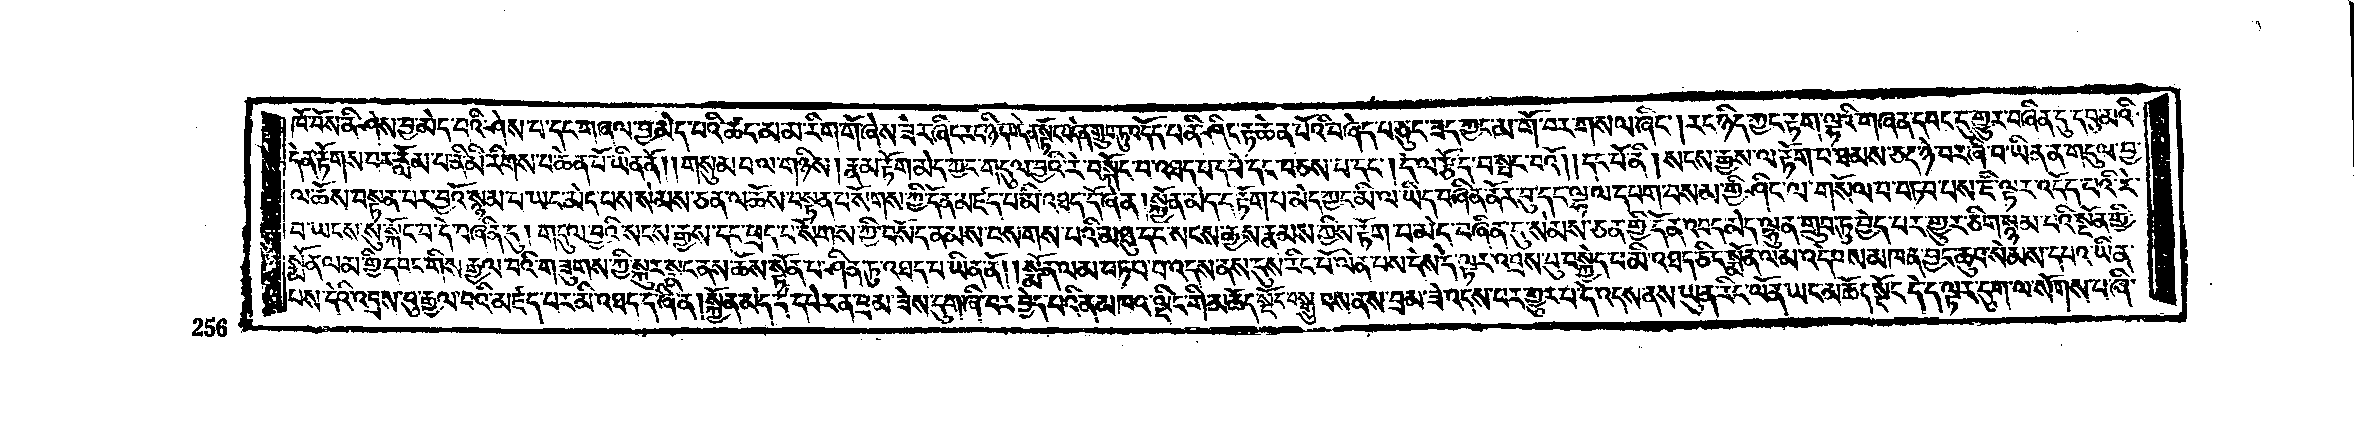ཁོ་བོས་ནི་ཤེ་བྱ་མེད་པའི་ཤེས་པ་དང་གཞལ་བྱ་མེད་པའི་ཚད་མ་མ་རིག་གོ་ཞེས་ཟེར་ཞིང་རང་ཉིད་བདེན་སྟོང་བདེན་གྲུབ་ཏུ་འདོད་པ་ནི་ཤིང་རྟ་ཆེན་པོའི་བཞེད་པ་ཅུང་ཟད་ཀྱང་མ་གོ་བར་གསལ་ཞིང་། རང་ཉིད་ཀྱང་རྟག་ལྷའི་གཞན་དབང་དུ་གྱུར་བཞིན་དུ་དབུ་མའི་
དོན་རྟོགས་པར་རློམ་པ་ནི་མི་རིགས་པ་ཆེན་པོ་ཡིན་ནོ། །གསུམ་པ་ལ་གཉིས། རྣམ་རྟོག་མེད་ཀྱང་གདུལ་བྱའི་རེ་བསྐོང་བ་འཐད་པ་དཔེ་དང་བཅས་པ་དང་། དེ་ལ་རྩོད་པ་སྤང་བའོ། །དང་པོ་ནི། སངས་རྒྱས་ལ་རྟོག་པ་ཐམས་ཅད་ཉེ་བར་ཞི་བ་ཡིན་ན་གདུལ་བྱ་
ལ་ཆོས་བསྟན་པར་བྱའོ་སྙམ་པ་ཡང་མེད་པས་སེམས་ཅན་ལ་ཆོས་བསྟན་པ་སོགས་ཀྱི་དོན་མཛད་པ་མི་འཐད་དོ་ཞེ་ན། སྐྱོན་མེད་དེ་རྟོག་པ་མེད་ཀྱང་མི་ལ་ཡིད་བཞིན་ནོར་བུ་དང་ལྷ་ལ་དཔག་བསམ་གྱི་ཤིང་ལ་གསོལ་བ་བཏབ་པས་ཇི་ལྟར་འདོད་པའི་རེ་
བ་ཡངས་སུ་སྐོང་བ་དེ་བཞིན་དུ། གདུ་བྱའི་སངས་རྒྱས་དང་ཕྲད་པ་སོགས་ཀྱི་བསོད་ནམས་བསགས་པའི་མཐུ་དང་སངས་རྒྱས་རྣམས་ཀྱིས་རྟོག་པ་མེད་བཞིན་དུ་སེམས་ཅན་གྱི་དོན་འབད་མེད་ལྷུན་གྲུབ་ཏུ་བྱེད་པར་གྱུར་ཅིག་སྙམ་པའི་སྔོན་གྱི་
སྨོན་ལམ་གྱི་དབང་གིས་རྒྱལ་བའི་གཟུགས་ཀྱི་སྐུར་སྣང་ནས་ཆོས་སྟོན་པ་ཤིན་ཏུ་འཐད་པ་ཡིན་ནོ། །སྨོན་ལམ་བཏབ་པ་འདས་ནས་དུས་རིང་པོ་ལེན་པས་དེས་དེ་ལྟར་འབྲས་བུ་བསྐྱེད་པ་མི་འཐད་ཅིང་སྨོན་ལམ་འདེབས་མཁན་བྱང་ཆུབ་སེམས་དཔའ་ཡིན་
པས་དེའི་འབྲས་བུ་རྒྱལ་བའི་མཛད་པར་མི་འཐད་དེ་ཞེ་ན། སྐྱོན་མེད་དེ་དཔེར་ན་བྲམ་ཟེས་དུག་ཞི་བར་བྱེད་པའི་ནམ་མཁའ་ལྡིང་གི་མཆོད་སྡོང་བསྒྲུབས་ནས་བྲམ་ཟེ་འདས་པར་གྱུར་པ་དེ་འདས་ནས་ཡུན་རིང་ཡོན་ཡང་མཆོད་སྡོང་དེ་ད་ལྟར་དུག་ལ་སོགས་པ་ཞི་